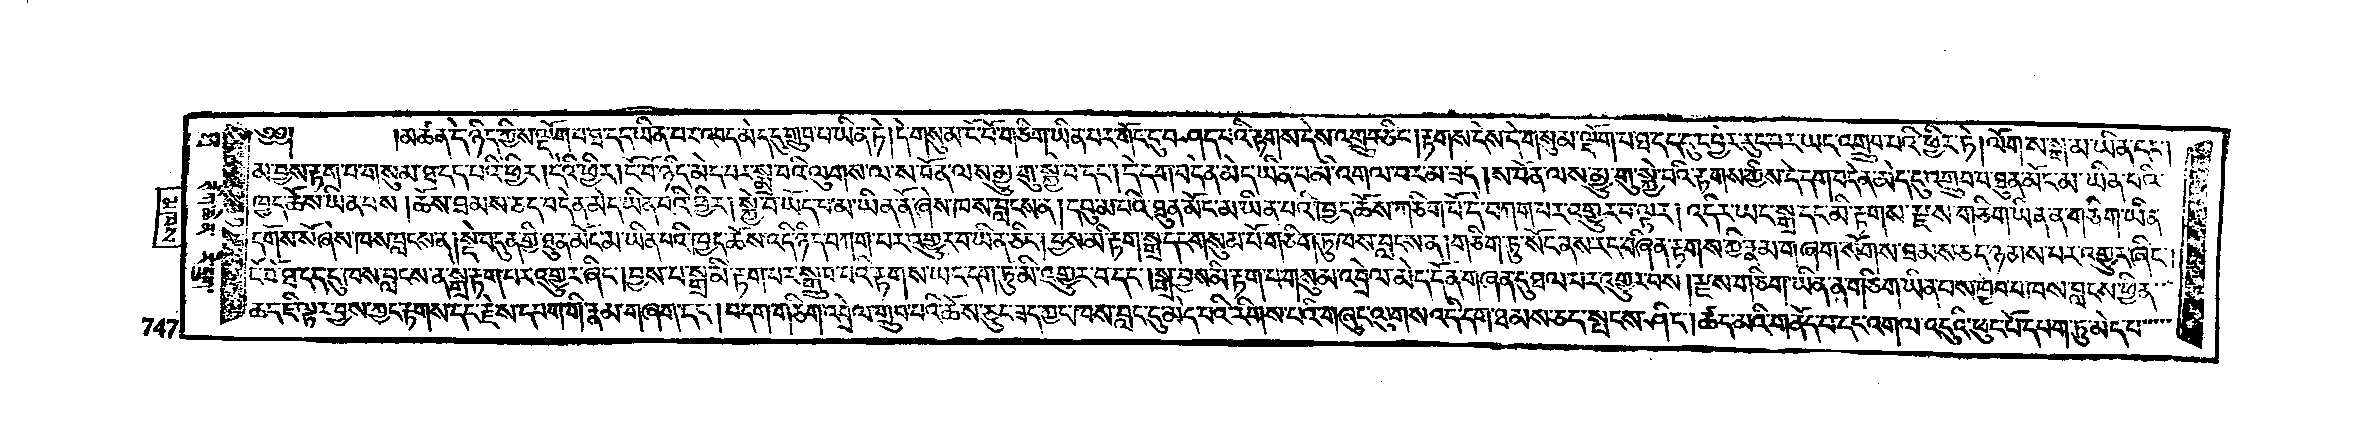༄༅། །མཚན་དེ་ཉིད་ཀྱིས་ལྡོག་པ་ཐ་དད་ཡིན་པར་འབད་མེད་དུ་གྲུབ་པ་ཡིན་ཏེ། དེ་གསུམ་ངོ་བོ་གཅིག་ཡིན་པར་གོང་དུ་བཤད་པའི་རྟགས་དེས་འགྲུབ་ཅིང་། རྟགས་དེས་དེ་གསུམ་ལྡོག་པ་ཐ་དད་དུ་དབྱེར་རུང་བར་ཡང་འགྲུབ་པའི་ཕྱིར་ཏེ། ལོག་ས་སྒྲ་མ་ཡིན་དང་།
མ་བྱས་རྟག་པ་གསུམ་ཐ་དད་པའི་ཕྱིར། དེའི་ཕྱིར། ངོ་བོ་ཉིད་མེད་པར་སྨྲ་བའི་ལུགས་ལ་ས་བོན་ལས་མྱུ་གུ་སྐྱེ་བ་དང་། དེ་དག་བདེན་མེད་ཡིན་པ་མི་འགལ་བར་མ་ཟད། ས་བོན་ལས་མྱུ་གུ་སྐྱེ་བའི་རྟགས་ཀྱིས་དེ་དག་བདེན་མེད་དུ་འགྲུབ་པ་ཐུན་མོང་མ་ཡིན་པའི་
ཁྱད་ཆོས་ཡིན་པས། ཆོས་ཐམས་ཅད་བདེན་མེད་ཡིན་པའི་ཕྱིར། སྐྱེ་བ་ཡོད་པ་མ་ཡིན་ནོ་ཞེས་ཁས་བླངས་ན། དབུ་མ་པའི་ཐུན་མོང་མ་ཡིན་པའི་ཁྱད་ཆོས་གཅིག་པོ་དེ་བཀག་པར་འགྱུར་བ་ལྟར། འདིར་ཡང་སྒྲ་དང་མི་རྟགས་རྫས་གཅིག་ཡིན་ན་གཅིག་ཡིན་
དགོས་སོ་ཞེས་ཁས་བླངས་ན། སྡེ་བདུན་གྱི་ཐུན་མོང་མ་ཡིན་པའི་ཁྱད་ཆོས་འདི་ཉིད་བཀག་པར་འགྱུར་བ་ཡིན་ཅིང་། བྱས་མི་རྟག་སྒྲ་དང་གསུམ་པོ་གཅིག་ཏུ་ཁས་བླངས་ན། གཅིག་ཏུ་སོང་ནས་རང་བཞིན་རྟགས་ཀྱི་རྣམ་གཞག་སོགས་ཐམས་ཅད་ཉམས་པར་འགྱུར་ཞིང་།
ངོ་བོ་ཐ་དད་དུ་ཁས་བླངས་ན་སྒྲ་རྟག་པར་འགྱུར་ཞིང་། བྱས་པ་སྒྲ་མི་རྟག་པར་སྒྲུབ་པའི་རྟགས་ཡང་དག་ཏུ་མི་འགྱུར་བ་དང་། སྒྲ་བྱས་མི་རྟག་པ་གསུམ་འབྲེལ་མེད་དོན་གཞན་དུ་ཐལ་པར་འགྱུར་བས། རྫས་གཅིག་ཡིན་ན་གཅིག་ཡིན་པས་ཁྱབ་པ་ཁས་བླངས་ཕྱིན་
ཆད་ཇི་ལྟར་བྱས་ཀྱང་རྟགས་དང་རྗེས་དཔག་གི་རྣམ་གཞག་དང་། བདག་གཅིག་འབྲེལ་གྲུབ་པའི་ཆོས་ཅུང་ཟད་ཀྱང་ཁས་བླང་དུ་མེད་པའི་རིགས་པའི་གཞུང་ལུགས་འདི་དག་ཐམས་ཅད་སྤངས་ཤིང་། ཚད་མའི་གནོད་པ་དང་འགལ་འདུའི་ཕུང་པོ་དཔག་ཏུ་མེད་པ་